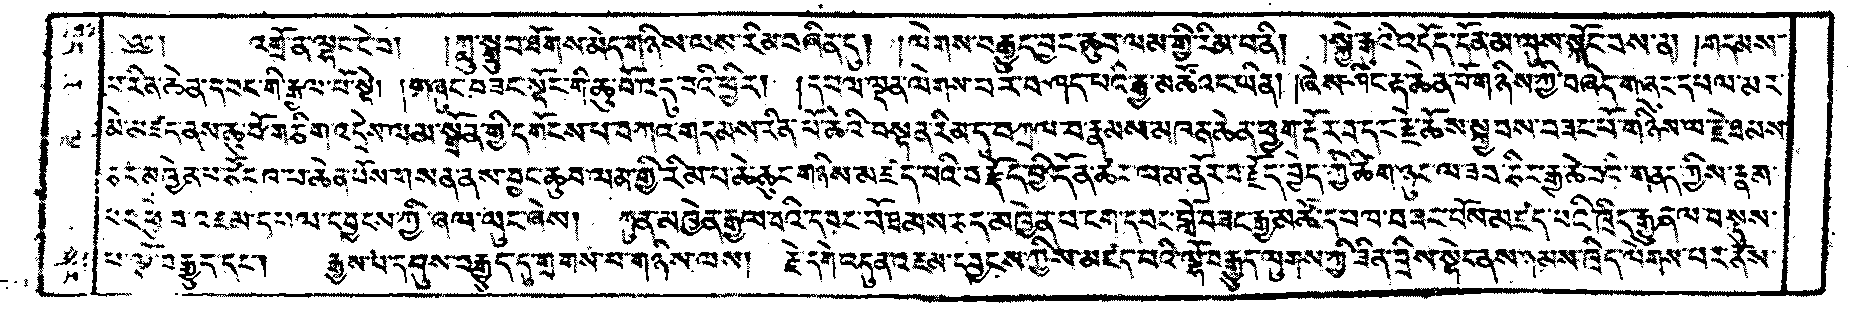༄༅། །འགྲོ་ན་ལྷང་ངེ་བ། །ཀླུ་སྒྲུབ་ཐོགས་མེད་གཉིས་ལས་རིམ་བཞིན་དུ། །ལེགས་བརྒྱུད་བྱང་ཆུབ་ལམ་གྱི་རིམ་པ་ནི། །སྐྱེ་རྒུའི་འདོད་དོན་མ་ལུས་སྐོང་བས་ན། །གདམས་
པ་རིན་ཆེན་དབང་གི་རྒྱལ་པོ་སྟེ། །གཞུང་བཟང་སྟོང་གི་ཆུ་བོ་འདུ་བའི་ཕྱིར། །དཔལ་ལྡན་ལེགས་པར་བཤད་པའི་རྒྱ་མཚོའང་ཡིན། །ཞེས་ཤིང་རྟ་ཆེན་པོ་གཉིས་ཀྱི་བཞེད་གཞུང་དཔལ་མར་
མེ་མཛད་ནས་ཆུ་བོ་གཅིག་འདྲེས་ལམ་སྒྲོན་གྱི་དགོངས་པ་བཀའ་གདམས་རིན་པོ་ཆེའི་བསྟན་རིམ་དུ་བཀྲལ་བ་རྣམས་མཁན་ཆེན་ཕྱག་རྡོར་བ་དང་རྗེ་ཆོས་སྐྱབས་བཟང་པོ་གཉིས་ལ་རྗེ་ཐམས་
ཅད་མཁྱེན་པ་ཙོང་ཁ་པ་ཆེན་པོས་གསན་ནས་བྱང་ཆུབ་ལམ་གྱི་རིམ་པ་ཆེ་ཆུང་གཉིས་མཛད་པའི་བརྗོད་བྱའི་དོན་ཚང་ལ་མ་ནོར་བ་རྗོད་བྱེད་ཀྱི་ཚིག་ཉུང་ལ་ཟབ་ཅིང་རྒྱ་ཆེ་བའི་གནད་ཀྱིས་རྣམ་
པར་ཕྱེ་བ་འཇམ་དཔལ་དབྱངས་ཀྱི་ཞལ་ལུང་ཞེས། ཀུན་མཁྱེན་རྒྱལ་བའི་དབང་པོ་ཐམས་ཅད་མཁྱེན་པ་ངག་དབང་བློ་བཟང་རྒྱ་མཚོ་དཔལ་བཟང་པོས་མཛད་པའི་ཁྲིད་རྒྱུན་ལ་བསྡུས་
པ་ལྷོ་བརྒྱུད་དང་། རྒྱས་པ་དབུས་བརྒྱུད་དུ་གྲགས་པ་གཉིས་ལས། རྗེ་དགེ་འདུན་འཇམ་དབྱངས་ཀྱིས་མཛད་པའི་ལྷོ་བརྒྱུད་ལུགས་ཀྱི་ཟིན་བྲིས་སྟེང་ནས་ཉམས་ཁྲིད་ལེགས་པར་ནོས་